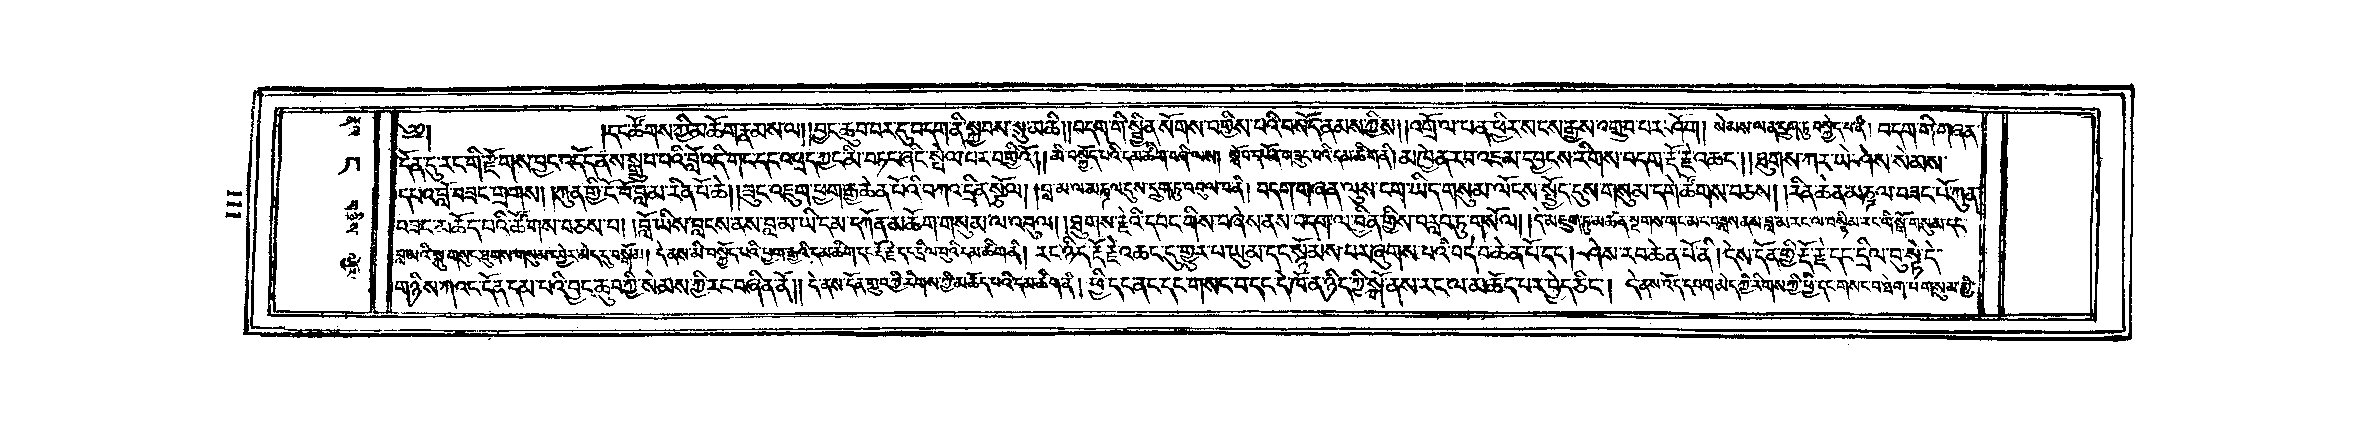༄༅། །དང་ཚོགས་ཀྱི་མཆོག་རྣམས་ལ། །བྱང་ཆུབ་བར་དུ་བདག་ནི་སྐྱབས་སུ་མཆི། །བདག་གི་སྦྱིན་སོགས་བགྱིས་པའི་བསོད་ནམས་ཀྱིས། །འགྲོ་ལ་ཕན་ཕྱིར་སངས་རྒྱས་འགྲུབ་པར་ཤོག །སེམས་ལན་དྲུག་ཏུ་བསྐྱེད་པ་ནི། བདག་གི་གཞན་
དོན་དུ་རང་གི་རྫོགས་བྱང་འདོད་ནས་སྒྲུབ་པའི་བློ་འདི་གང་དང་འཕྲད་ཀྱང་མི་བཏང་ཞིང་སྤེལ་པར་བགྱིའོ། །མི་བསྐྱོད་པའི་དམ་ཚིག་བཞི་ལས། སློབ་དཔོན་གཟུང་པའི་དམ་ཚིག་ནི། མཁྱེན་རབ་འཇམ་དབྱངས་རིགས་བདག་རྡོ་རྗེ་འཆང་། །ཐུགས་ཀར་ཡེ་ཤེས་སེམས་
དཔའ་བློ་བཟང་གྲགས། །ཀུན་གྱི་ངོ་བོ་བླ་མ་རིན་པོ་ཆེ། །ཟུང་འཇུག་ཕྱག་རྒྱ་ཆེན་པོའི་བཀའ་དྲིན་སྩོལ། །བླ་མ་ལ་མཎྜལ་དུས་དྲུག་ཏུ་འབུལ་བ་ནི། བདག་གཞན་ལུས་ངག་ཡིད་གསུམ་ལོངས་སྤྱོད་དུས་གསུམ་དགེ་ཚོགས་བཅས། །རིན་ཆེན་མཎྜལ་བཟང་པོ་ཀུན་
བཟང་མཆོད་པའི་ཚོགས་བཅས་པ། །བློ་ཡིས་བླངས་ནས་བླ་མ་ཡི་དམ་དཀོན་མཆོག་གསུམ་ལ་འབུལ། །ཐུགས་རྗེའི་དབང་གིས་བཞེས་ནས་བདག་ལ་བྱིན་གྱིས་བརླབ་ཏུ་གསོལ། །དེ་མཇུག་ཏུ་མཚན་སྔགས་གང་མང་བཟླས་ནས་བླ་མ་རང་ལ་བསྟིམ་རང་གི་སྒོ་གསུམ་དང་
བླ་མའི་སྐུ་གསུང་ཐུགས་གསུམ་དབྱེར་མེད་དུ་བསྒོམ། དེ་ནས་མི་བསྐྱོད་པའི་ཕྱག་རྒྱའི་དམ་ཚིག་དང་རྡོ་རྗེ་དང་དྲིལ་བུའི་དམ་ཚིག་ནི། རང་ཉིད་རྡོ་རྗེ་འཆང་དུ་གྱུར་པ་ཡུམ་དང་སྙོམས་པར་ཞུགས་པའི་བདེ་བ་ཆེན་པོ་དང་། ཤེས་རབ་ཆེན་པོ་ནི། དེས་དོན་གྱི་རྡོ་རྗེ་དང་དྲིལ་བུ་སྟེ་དེ་
གཉིས་ཀའང་དོན་དམ་པའི་བྱང་ཆུབ་ཀྱི་སེམས་ཀྱི་རང་བཞིན་ནོ། །དེ་ནས་དོན་གྲུབ་ཀྱི་རིགས་ཀྱི་མཆོད་པའི་དམ་ཚིག་ནི། ཕྱི་དང་ནང་དང་གསང་བ་དང་དེ་ཁོ་ན་ཉིད་ཀྱི་སྒོ་ནས་རང་ལ་མཆོད་པར་བྱེད་ཅིང་། དེ་ནས་འོད་དཔག་མེད་ཀྱི་རིགས་ཀྱི་ཕྱི་དང་གསང་བ་ཐེག་པ་གསུམ་གྱི་